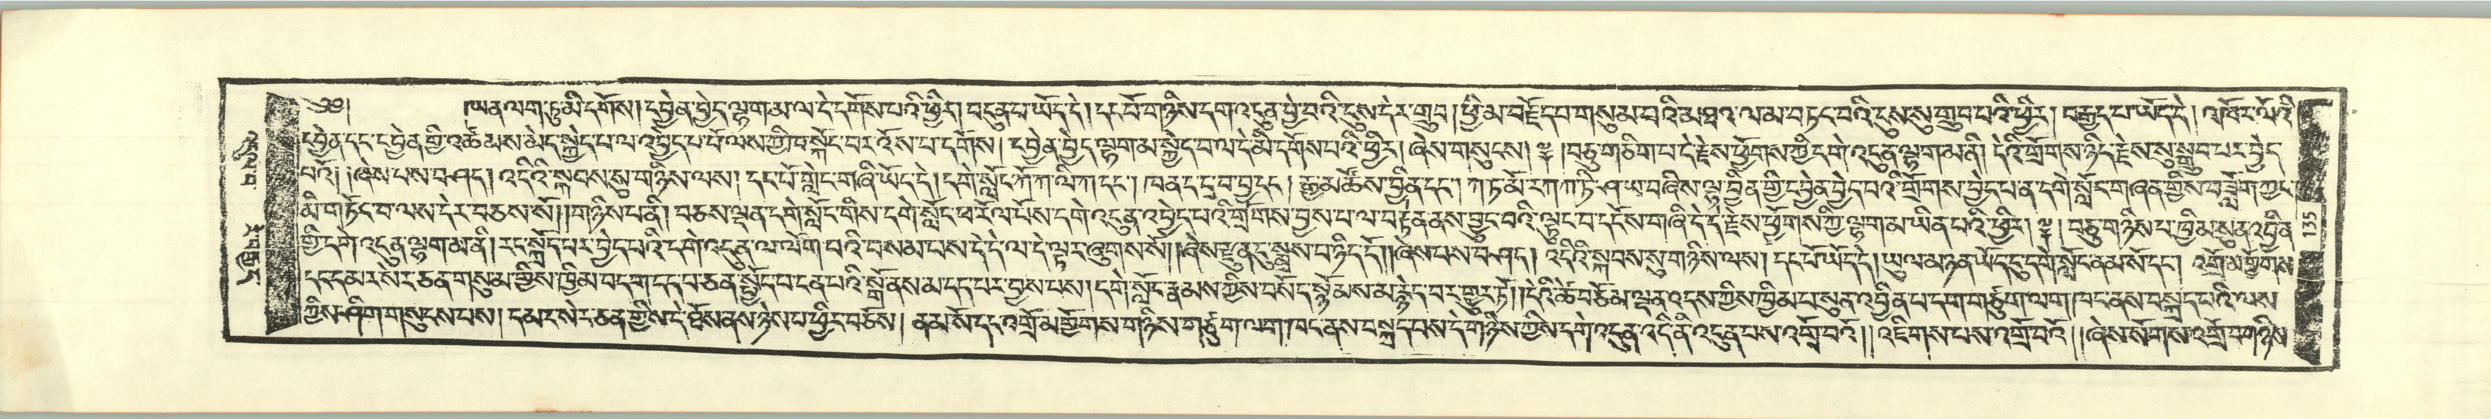༄༅། །ཡན་ལག་ཏུ་མི་དགོས། དབྱེན་བྱེད་ལྷ་ག་མ་ལ་དེ་དགོས་པའི་ཕྱིར། བདུན་པ་ཡོད་དེ། དང་པོ་གཉིས་དག་འདུན་བྱེ་བའི་དུས་དེར་གྲུབ། ཕྱི་མ་བརྗོད་པ་གསུམ་པའི་མཐའ་ལ་མ་བཏང་བའི་དུས་སུ་གྲུབ་པའི་ཕྱིར། བརྒྱད་པ་ཡོད་དེ། འཁོར་ལོའི་
དབྱེན་དང་དབྱེན་གྱི་འཚམས་མེད་སྐྱེད་པ་ལ་འབྱེད་པ་པོ་ལས་ཀྱི་ཁ་སྐོང་བར་འོས་པ་དགོས། དབྱེན་བྱེད་ལྷག་མ་སྐྱེད་བ་ལ་དེ་མི་དགོས་པའི་ཕྱིར། ཞེས་གསུངས། ༈ །བཅུ་གཅིག་པ་དེ་རྗེས་ཕྱོགས་ཀྱི་དགེ་འདུན་ལྷག་མ་ནི། དེའི་གྲོགས་ཉིད་རྗེས་སུ་སྒྲུབ་པར་བྱེད་
པའོ༑ ༑ཞེས་པས་བཤད། འདིའི་སྐབས་སུ་གཉིས་ལས། དང་པོ་གླེང་གཞི་ཡོད་དེ། དགེ་སློང་ཀོ་ཀ་ལི་ཀ་དང་། ཁན་ད་དྲ་བ་བྱ་དང་། རྒྱ་མཚོས་བྱིན་དང་། ཀ་ཏ་མོ་རཀ་ཀ་ཏི་ཤ་ཡ་བཞིས་ལྷ་བྱིན་གྱི་དབྱེན་བྱེད་པའི་གྲོགས་བྱེད་པ་ན་དགེ་སློང་གཞན་གྱིས་བཟློག་ཀྱང་
མི་གཏོང་བ་ལས་དེར་བཅས་སོ། །གཉིས་པ་ནི། བཅས་ལྡན་དགེ་སློང་གིས་དགེ་སློང་ཕ་རོལ་པོས་དགེ་འདུན་འབྱེད་པའི་གྲོགས་བྱས་པ་ལ་བརྟེན་ནས་བྱུང་བའི་ལྟུང་བ་དངོས་གཞི་དེ་དེ་རྗེས་ཕྱོགས་ཀྱི་ལྷག་མ་ཡིན་པའི་ཕྱིར། ༈ །བཅུ་གཉིས་པ་ཁྱིམ་སུན་འབྱིན་
གྱི་དགེ་འདུན་ལྷག་མ་ནི། རང་སྐྲོད་པར་བྱེད་པའི་དགེ་འདུན་ལ་ལོག་པའི་བསམ་པས་དེ་དེ་ལ་དེ་ལྟར་ཞུགས་སོ། །ཞེས་རྫུན་དུ་སྨྲས་པ་ཉིད་དོ། །ཞེས་པས་བཤད། འདིའི་སྐབས་སུ་གཉིས་ལས། དང་པོ་ཡོད་དེ། ཡུལ་མཉན་ཡོད་དུ་དགེ་སློང་ནམ་སོ་དང་། འགྲོ་མ་གྱོགས་
དང་དམར་སེར་ཅན་གསུམ་གྱིས་ཁྱིམ་བདག་དད་པ་ཅན་སྤྱོད་པ་ངན་པའི་སྒོ་ནས་མ་དད་པར་བྱས་པས། དགེ་སློང་རྣམས་ཀྱིས་བསོད་སྙོམས་མ་རྙེད་བར་གྱུར་ཏོ། །དེའི་ཚེ་བཅོམ་ལྡན་འདས་ཀྱིས་ཁྱིམ་པ་སུན་འབྱིན་པ་དག་གཙུག་ལག་ཁང་ནས་བསྐྲད་པའི་ལས་
ཀྱིས་ཤིག་གསུངས་པས། དམར་སེར་ཅན་གྱིས་དེ་ཐོས་ནས་ཉེས་པ་ཕྱིར་བཅོས། ནམ་སོ་དང་འགྲོ་མགྱོགས་གཉིས་གཙུག་ལག་ཁང་ནས་བསྐྲད་པས་དེ་གཉིས་ཀྱིས་དགེ་འདུན་འདི་ནི་འདུན་པས་འགྲོ་བའོ། །འཇིགས་པས་འགྲོ་བའོ། །ཞེས་སོགས་འགྲོ་བ་གཉིས་